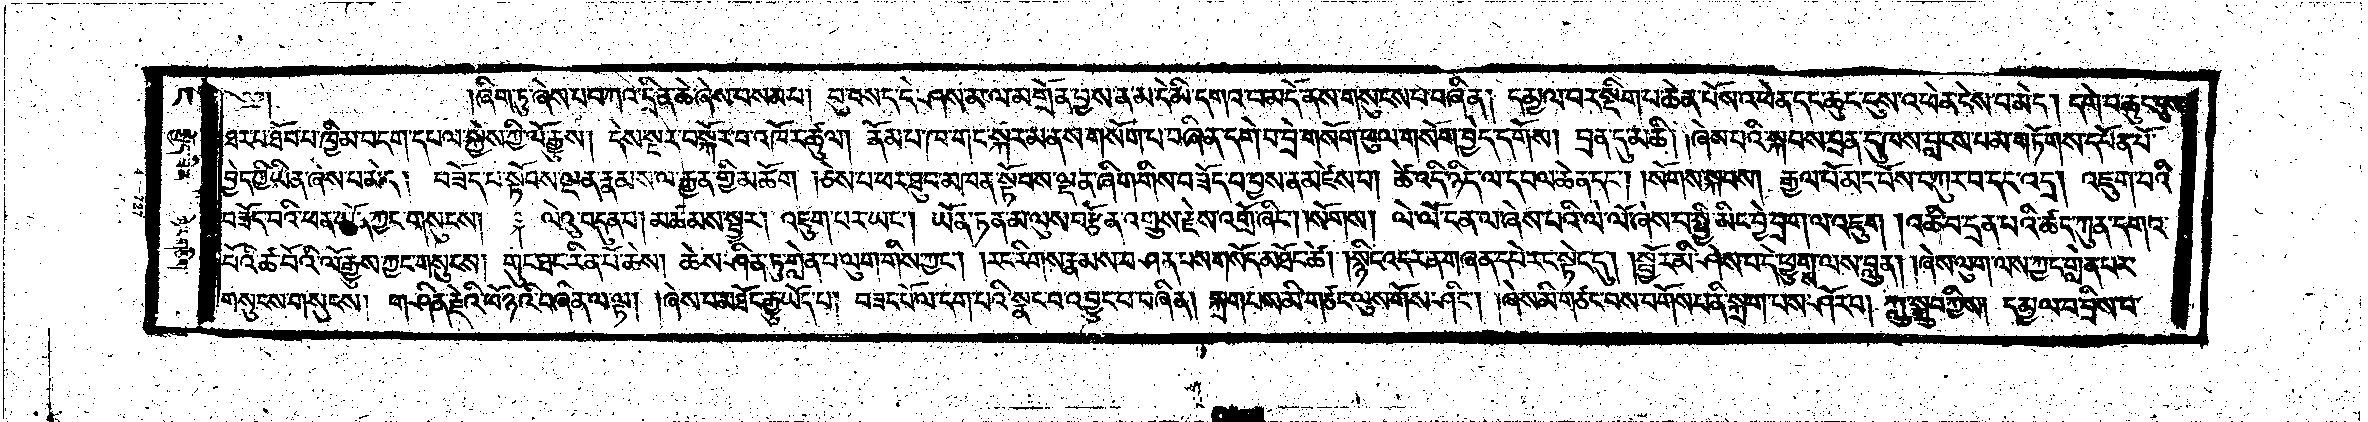༄༅། །ཞིག་ཏུ་ཞེས་པ་བཀའ་དྲིན་ཆེ་ཞེས་བསམ་པ། བུ་བསད་དེ་ཤས་མ་ལ་མགྲོན་བྱས་ན་མ་དེ་མི་དགའ་བ་མདོ་ནས་གསུངས་པ་བཞིན། དམྱལ་བར་སྡིག་པ་ཆེན་པོས་འཕེན་དང་ཆུང་ངུས་འཕེན་ངེས་པ་མེད། དགེ་བ་ཆུང་ངུས་
ཐར་པ་ཐོབ་པ་ཁྱིམ་བདག་དཔལ་སྐྱེས་ཀྱི་ལོ་རྒྱུས། དེས་སྔར་བསྐོར་བ་འཁོར་ཚུལ། ནོམ་པ་ཁ་གང་སྐར་མ་ནས་གསོག་པ་བཞིན་དགེ་བ་བྲེ་གསོག་ཕུལ་གསོག་བྱེད་དགོས། བྲན་དུ་མཆི༑ ༑ཞེས་པའི་སྐབས་བྲན་དུ་ཁས་བླངས་པ་མ་གཏོགས་དཔོན་པོ་
བྱེད་ཀྱི་ཡིན་ཞེས་པ་མེད། བཟོད་བ་སྟོབས་ལྡན་རྣམས་ལ་རྒྱན་གྱི་མཆོག ༑ཅེས་པ་ཕར་ཐུབ་མཁན་སྟོབས་ལྡན་ཞིག་གིས་བཟོད་པ་བྱས་ན་མཛེས་པ། ཚེ་འདི་ཉིད་ལ་དབལ་ཆེན་དང་། །སོགས་སྐབས། རྒྱལ་པོ་མང་པོས་བཀུར་བ་དང་འདྲ། འཇུག་པའི་
བཟོད་བའི་ཕན་ཡོན་ཀྱང་གསུངས། ༈ ལེའུ་བདུན་པ། མཚམས་སྦྱར། འཇུག་པར་ཡང་། ཡོན་ཏན་མ་ལུས་བརྩོན་འགྲུས་རྗེས་འགྲོ་ཞིང་། །སོགས། ལེ་ལོ་ངན་ལ་ཞེས་པའི་ལེ་ལོ་ཞེས་པ་སྤྱི་མིང་བྱེ་བྲག་ལ་འཇུག །འཆི་བ་དྲན་པའི་ཚད་ཀུན་དགའ་
བོའི་ཚ་བོའི་ལོ་རྒྱུས་ཀྱང་གསུངས། གུང་ཐང་རིན་པོ་ཆེས། ཆེས་ཤིན་ཏུ་གླེན་པ་ལུག་གིས་ཀྱང་། །རང་རིགས་རྣམས་བཤན་པས་གསོད་མཐོང་ཚེ། །སྙིང་འདར་ན་གཞན་དཔེ་རང་སྟེང་དུ། །སྦྱོར་མི་ཤེས་པ་དེ་ཕྱུགས་ལས་བླུན། །ཞེས་ལུག་ལས་ཀྱང་གླེན་པར་
གསུངས་གསུངས། གཤིན་རྗེའི་ཕོ་ཉའི་བཞིན་ལ་ལྟ། །ཞེས་པ་མཐོང་རྒྱུ་ཡོད་པ། བཟང་པོ་ལ་དག་པའི་སྣང་བ་འབྱུང་བ་བཞིན། སྐྲག་པས་མི་གཙང་ལུས་གོས་ཤིང་། །ཞེས་མི་གཙང་བས་བགོས་པ་ནི་སྐྲག་པས་ཤོར་བ། ཀླུ་སྒྲུབ་ཀྱིས། དམྱལ་བ་བྲིས་པ་